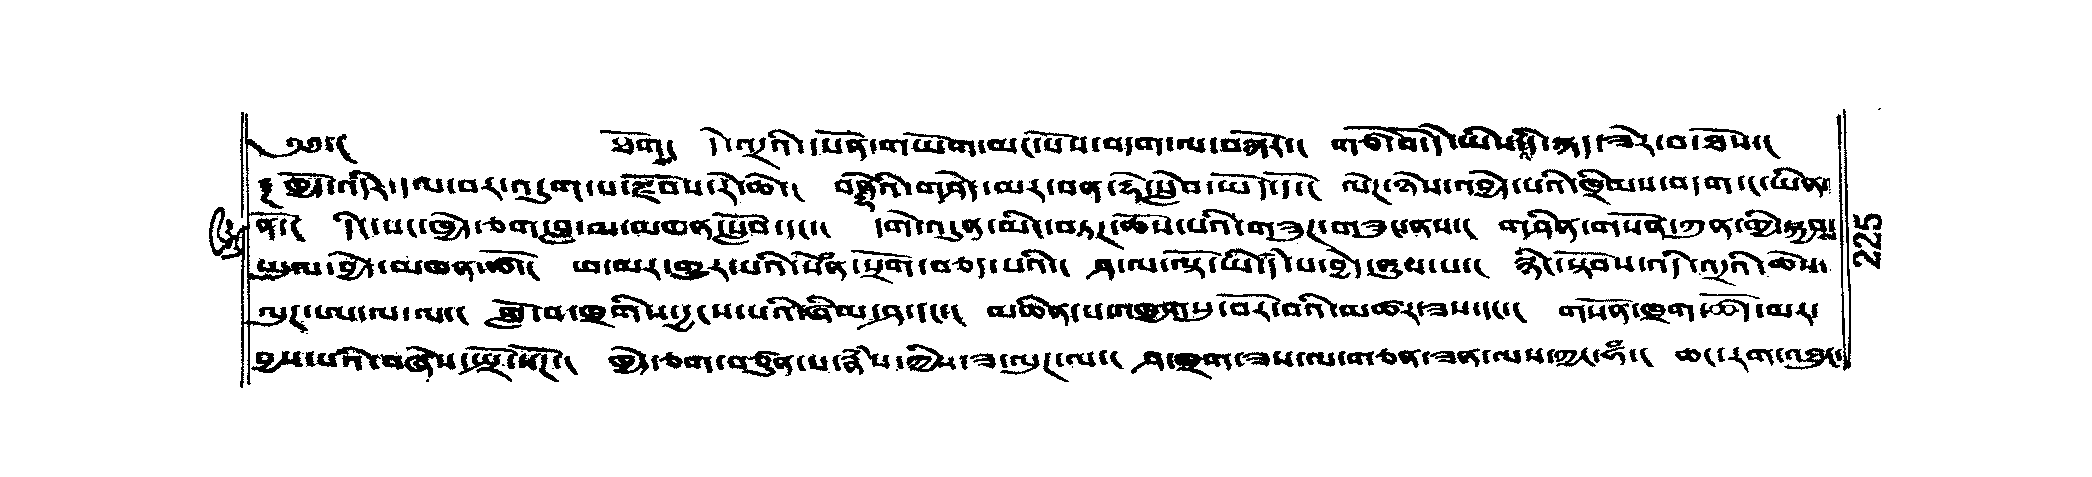ཐོགས། །དེ་འདྲའི་དཔོན་གཡོག་མང་པོས་བདག་ལ་བསྐོར། །གཙོ་བོ་དེ་ཡིས་འདི་སྐད་ཟེར་བ་ཐོས། །
ཁྱོད་འདིར་དལ་བར་འདུག་པ་རྫབ་རེ་ཆེ། །བནྡྷེའི་གཤེད་མར་བན་ནྡྷེ་སླེབ་ཡོད་དོ། །ལེགས་ཉེས་འབྱེད་པའི་ཁྲིམས་བདག་ང་ཡིན་
ནོ། །དིང་སང་ཁྱེད་ཅག་བླ་མ་མཁན་སློབ་དང་། །དགེ་འདུན་མིང་བཏགས་ཆོས་པའི་གཟུགས་བཟུང་ནས། །ཤི་གསོན་ཀུན་གྱི་སྐྱབས་
ཡུལ་བྱེད་མཁན་ཚོ། །ཕ་མར་གྱུར་པའི་སེམས་ཅན་སྲོག་བཅད་པའི། །ཤ་ལ་ལྟོ་ཡི་དམ་པ་བྱེད་ནུས་པ། །སྙིང་སྟོབས་འདི་འདྲའི་ཆོས་
ལུགས་ཨ་ལ་ལ། །གླཽ་བ་ཁྲག་གིས་རྒྱངས་པའི་ཞིམ་ཤ་དང་། །མཆིན་པ་འཁྱགས་སུ་བོར་བའི་མཚར་ཟས་དང་། །གསོན་ཁྲག་ཚོད་མར་
བྱས་པའི་བཞེས་སྤྲོ་སོགས། །ཁྱེད་ཅག་བཙུན་པ་རྣམས་ཀྱིས་ཟ་ལུགས་ལ། །ཤ་ཁྲག་ཟས་ལ་གཅན་ཟན་ལས་ཀྱང་ཧཾ། །ཆང་རག་འཐུང་